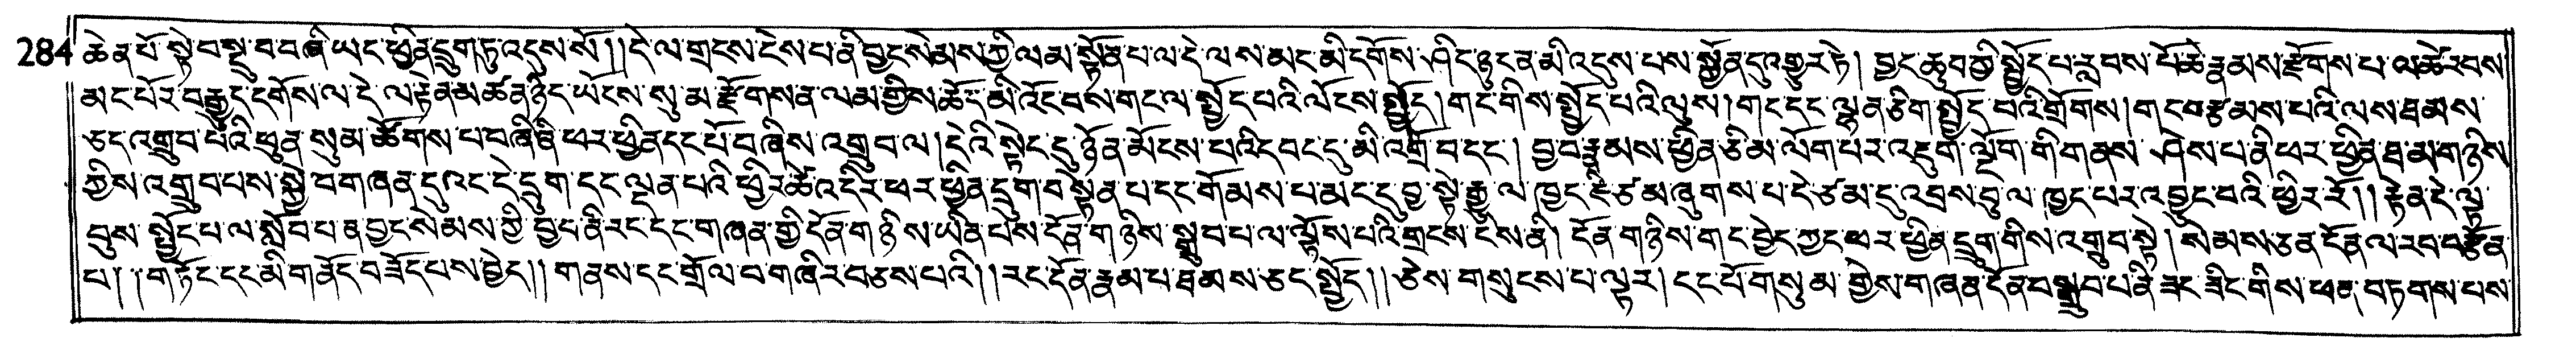ཆེན་པོ་སྟེ་བསྡུ་བ་བཞི་ཡང་ཕྱིན་དྲུག་ཏུ་འདུས་སོ། །དེ་ལ་གྲངས་ངེས་པ་ནི་བྱང་སེམས་ཀྱི་ལམ་སྟོན་པ་ལ་དེ་ལས་མང་མི་དགོས་ཤིང་ཉུང་ན་མི་འདུས་པས་སྐྱོན་དུ་འགྱུར་ཏེ། བྱང་ཆུབ་ཀྱི་སྤྱོད་པ་རླབས་པོ་ཆེ་རྣམས་རྫོགས་པ་ལ་ཚེ་རབས།
མང་པོར་བརྒྱུད་དགོས་ལ་དེ་ལ་རྟེན་མཚན་ཉིད་ཡོངས་སུ་མ་རྫོགས་ན་ལམ་གྱིས་ཆོད་མི་འོང་བས་གང་ལ་སྤྱོད་པའི་ལོངས་སྤྱོད། གང་གིས་སྤྱོད་པའི་ལུས། གང་དང་ལྷན་ཅིག་སྤྱོད་པའི་གྲོགས། གང་བརྩམས་པའི་ལས་ཐམས་
ཅད་འགྲུབ་པའི་ཕུན་སུམ་ཚོགས་པ་བཞི་ནི་ཕར་ཕྱིན་དང་པོ་བཞིས་འགྲུབ་ལ། དེའི་སྟེང་དུ་ཉོན་མོངས་པའི་དབང་དུ་མི་འགྲོ་བ་དང་། བྱ་བ་རྣམས་ཕྱིན་ཅི་མ་ལོག་པར་འཇུག་ལྡོག་གི་གནས་ཤེས་པ་ནི་ཕར་ཕྱིན་ཐ་མ་གཉིས་
ཀྱིས་འགྲུབ་པས་སྐྱེ་བ་གཞན་དུའང་དེ་དྲུག་དང་ལྡན་པའི་ཕྱིར་ཚེ་འདིར་ཕར་ཕྱིན་དྲུག་བསྟེན་པ་དང་གོམས་པ་མང་དུ་བྱ་སྟེ་རྒྱུ་ལ་ཁྱད་ཇི་ཙམ་ཞུགས་པ་དེ་ཙམ་དུ་འབྲས་བུ་ལ་ཁྱད་པར་འབྱུང་བའི་ཕྱིར་རོ། །རྟེན་དེ་ལྟ་
བུས་སྤྱོད་པ་ལ་སློབ་པ་ན་བྱང་སེམས་ཀྱི་བྱ་བ་ནི་རང་དང་གཞན་གྱི་དོན་གཉིས་ཡིན་པས་དོན་གཉིས་སྒྲུབ་པ་ལ་ལྟོས་པའི་གྲངས་ངེས་ནི། དོན་གཉིས་གང་བྱེད་ཀྱང་ཕར་ཕྱིན་དྲུག་གིས་འགྲུབ་སྟེ། སེམས་ཅན་དོན་ལ་རབ་བརྩོན་
པ༑ ༑གཏོང་དང་མི་གནོད་བཟོད་པས་བྱེད། །གནས་དང་གྲོལ་བ་གཞིར་བཅས་པའི། །རང་དོན་རྣམ་པ་ཐམས་ཅད་སྤྱོད། །ཅེས་གསུངས་པ་ལྟར། དང་པོ་གསུམ་གྱིས་གཞན་དོན་བསྒྲུབ་པ་ནི་ཟང་ཟིང་གིས་ཕན་བཏགས་པས་